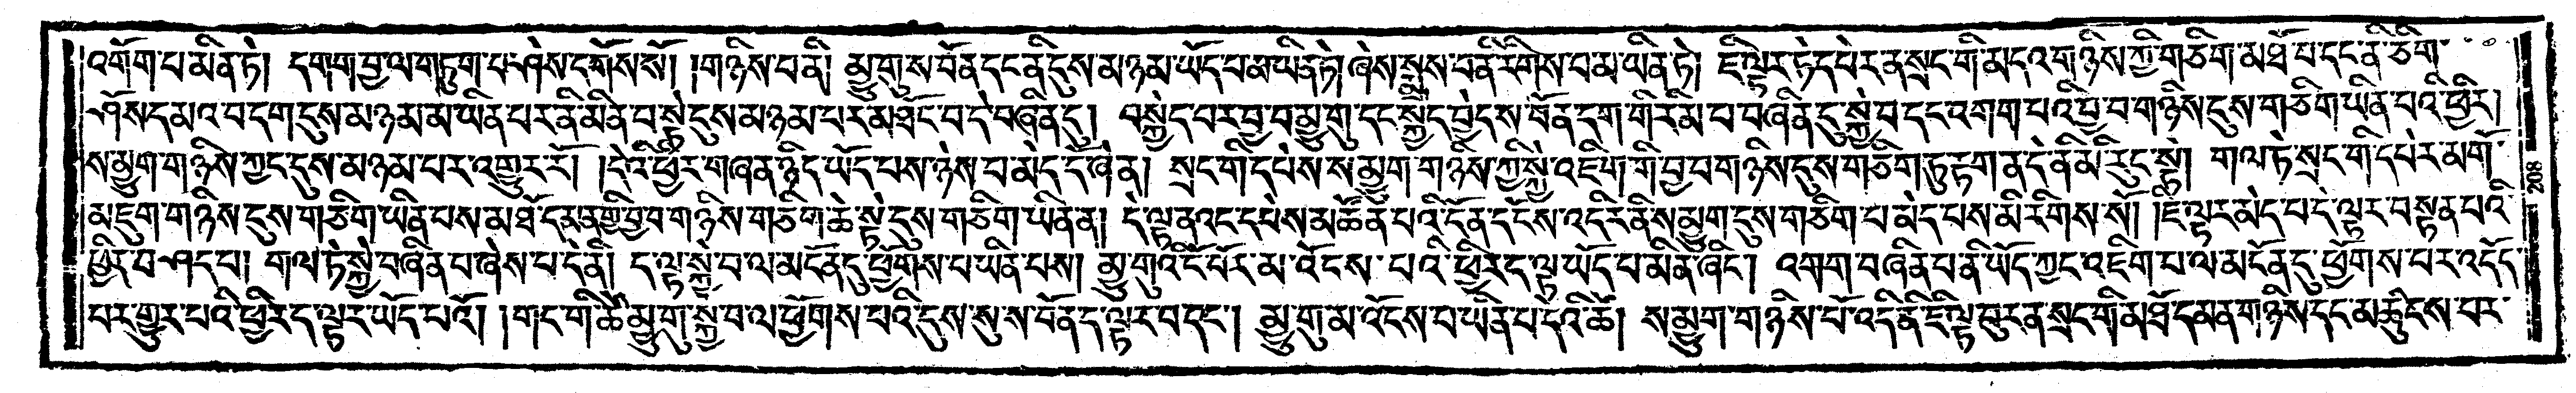འགོག་པ་མིན་ཏེ། དགག་བྱ་ལ་གཏུག་པ་ཤེས་དགོས་སོ། །གཉིས་པ་ནི། མྱུ་གུ་ས་བོན་དང་ནི་དུས་མཉམ་ཡོད་པ་མ་ཡིན་ཏེ། ཞེས་སྨྲས་པ་ནི་རིགས་པ་མ་ཡིན་ཏེ། ཇི་ལྟར་ཏེ་དཔེར་ན་སྲང་གི་མདའ་གཉིས་ཀྱི་གཅིག་མཐོ་བ་དང་ནི་ཅིག་
ཤོས་དམའ་བ་དག་དུས་མཉམ་མ་ཡིན་པར་ནི་མིན་པ་སྟེ་དུས་མཉམ་པར་མཐོང་བ་དེ་བཞིན་དུ། བསྐྱེད་པར་བྱ་བ་མྱུ་གུ་དང་སྐྱེད་བྱེད་ས་བོན་དག་གི་རིམ་པ་བཞིན་དུ་སྐྱེ་བ་དང་འགག་པའི་བྱ་བ་གཉིས་དུས་གཅིག་ཡིན་པའི་ཕྱིར།
ས་མྱུག་གཉིས་ཀྱང་དུས་མཉམ་པར་འགྱུར་རོ། །དེའི་ཕྱིར་གཞན་ཉིད་ཡོད་པས་ཉེས་པ་མེད་དོ་ཞེ་ན། སྲང་གི་དཔེས་ས་མྱུག་གཉིས་ཀྱི་སྐྱེ་འཇིག་གི་བྱ་བ་གཉིས་དུས་གཅིག་ཏུ་རྟོག་ན་དེ་ནི་མི་རུང་སྟེ། གལ་ཏེ་སྲང་གི་དཔེར་མགོ་
མཇུག་གཉིས་དུས་གཅིག་ཡིན་པས་མཐོ་དམན་གྱི་བྱ་བ་གཉིས་གཅིག་ཚེ་སྟེ་དུས་གཅིག་ཡིན་ན། དེ་ལྟ་ནའང་དཔེས་མཚོན་པའི་དོན་དངོས་འདིར་ནི་ས་མྱུག་དུས་གཅིག་པ་མེད་པས་མི་རིགས་སོ། །ཇི་ལྟར་མེད་པ་དེ་ལྟར་བསྟན་པའི་
ཕྱིར་བཤད་པ། གལ་ཏེ་སྐྱེ་བཞིན་པ་ཞེས་པ་དེ་ནི། ད་ལྟ་སྐྱེ་བ་ལ་མངོན་དུ་ཕྱོགས་པ་ཡིན་པས། མྱུ་གུའི་ངོ་བོར་མ་འོངས་པའི་ཕྱིར་ད་ལྟ་ཡོད་པ་མིན་ཞིང་། འགག་བཞིན་པ་ནི་ཡོད་ཀྱང་འཇིགས་ལ་མངོན་དུ་ཕྱོགས་པར་འདོད་
པར་གྱུར་པའི་ཕྱིར་ད་ལྟར་ཡོད་པའོ། །གང་གི་ཚེ་མྱུ་གུ་སྐྱེ་བ་ལ་ཕྱོགས་པའི་དུས་སུ་ས་བོན་ད་ལྟར་པ་དང་། མྱུ་གུ་མ་འོངས་པ་ཡིན་པ་དེའི་ཚེ། ས་མྱུག་གཉིས་པོ་འདི་ནི་ཇི་ལྟ་བུར་ན་སྲང་གི་མཐོ་དམན་གཉིས་དང་མཚུངས་པར་